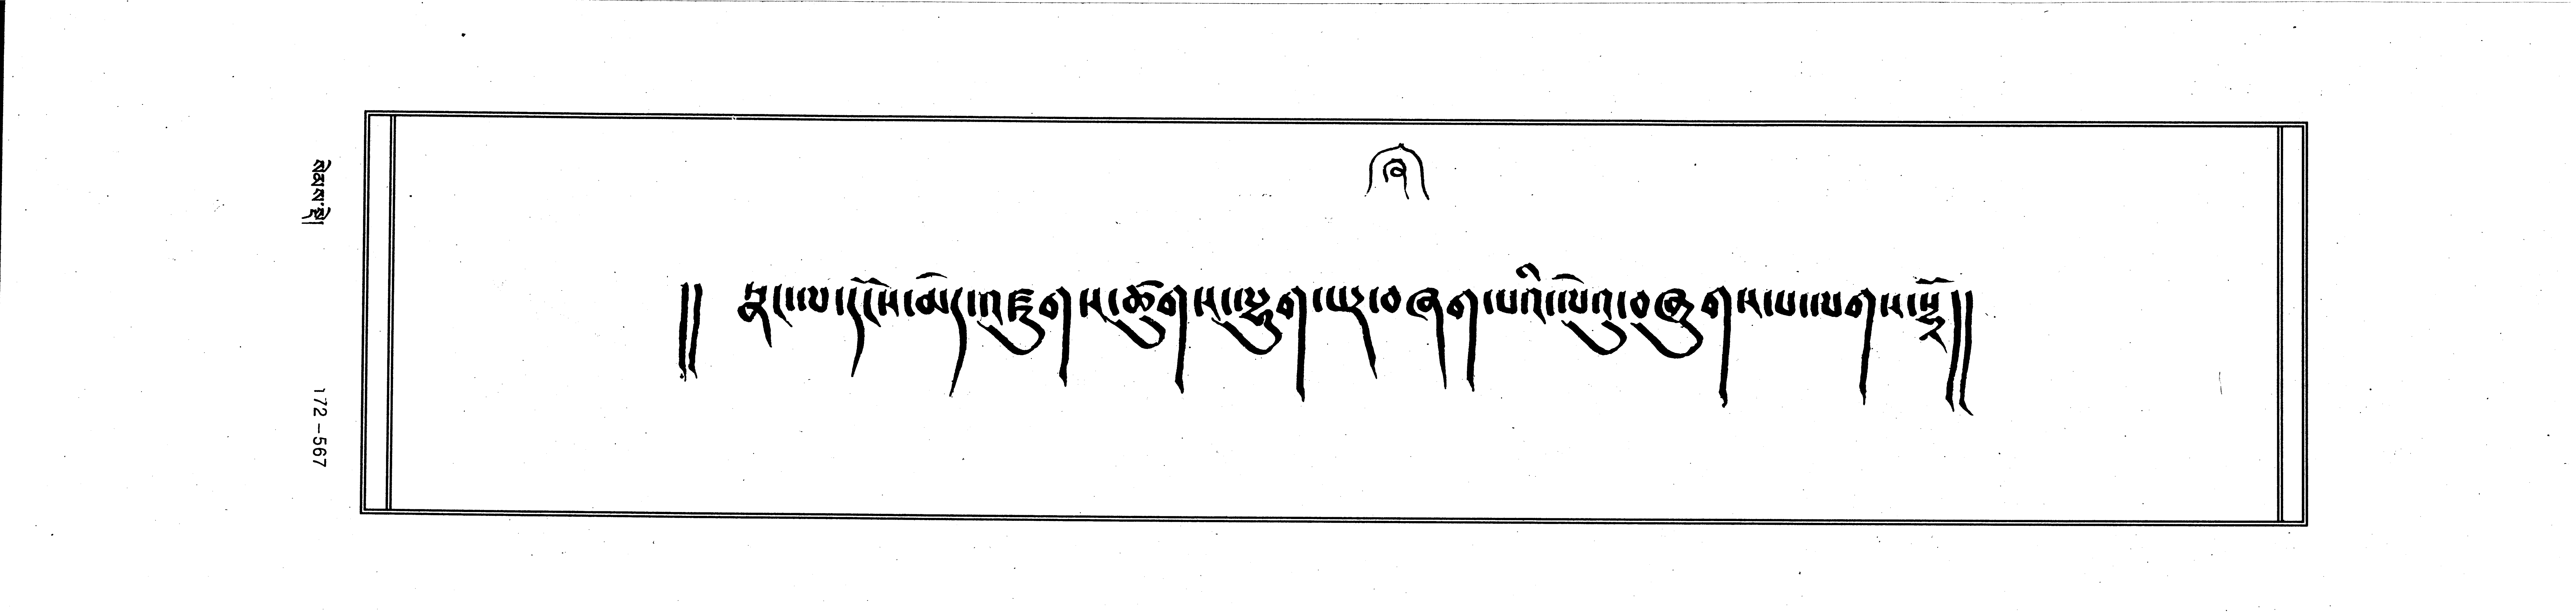།། སྣང་ལ་དངོས་མེད་འཛུགས་ཚུགས་ལྷུག་པར་བཞག་པའི་ལེའུ་བཞུགས་པ་ལགས་སྷཱོ།།